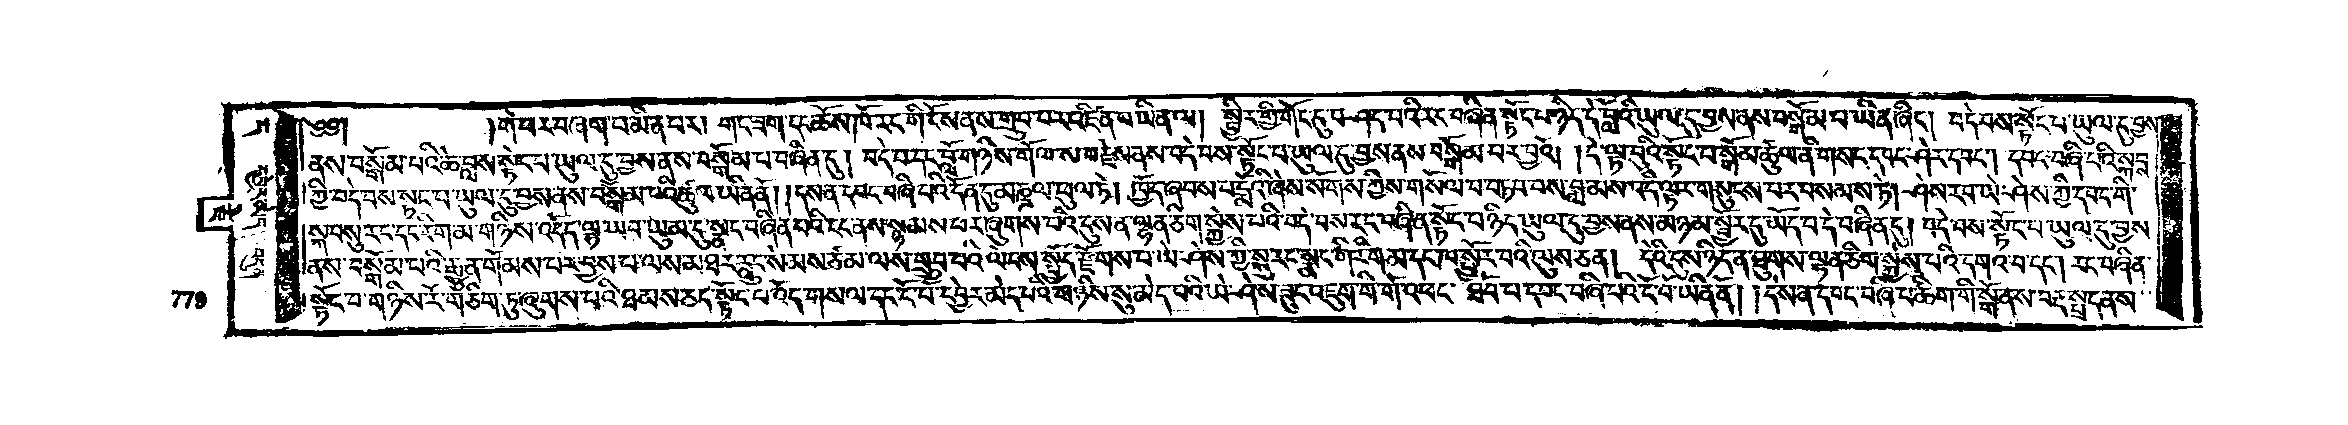༄༅། །གེ་ཕར་བཞག་པ་མིན་པར། གང་ཟག་དང་ཆོས་ཁོ་རང་གི་ངོས་ནས་གྲུབ་པར་འཛིན་པ་ཡིན་ལ། སྤྱིར་གྱི་གོང་དུ་བཤད་པའི་རང་བཞིན་སྟོང་པ་ཉིད་དེ་བློའི་ཡུལ་དུ་བྱས་ནས་བསྒོམ་པ་ཡིན་ཞིང་། བདེ་བས་སྟོང་པ་ཡུལ་དུ་བྱས་
ནས་བསྒོམ་པའི་ཆེ་བླས་སྟེང་པ་ཡུལ་དུ་བྱས་ནས་བསྒོམ་པ་བཞིན་དུ། བདེ་བ་དང་བློ་གཉིས་གོལ་ས་བརྗེས་ནས་བདེ་བས་སྟོང་པ་ཡུལ་དུ་བྱས་ནས་བསྒོམ་པར་བྱའོ། །དེ་ལྟ་བུའི་སྟོང་པ་སྒོམ་ཚུལ་ནི་གསང་དབང་ཤེར་དབང་། དབང་བཞི་པའི་སྐབས་
ཀྱི་བདེ་བས་སྟོང་པ་ཡུལ་དུ་བྱས་ནས་བསྒོམ་པའི་ཚུལ་ཡིན་ནོ། །དས་ན་དབང་བཞི་པའི་དོན་དུ་མཎྜལ་ཕུལ་ཏེ། ཁྱོད་ཞབས་པདམོའི་ཞེས་སོགས་ཀྱིས་གསོལ་བ་བཏབ་པས་བླ་མས་འདི་ལྟར་གསུངས་པར་བསམས་ཏེ། ཤེས་རབ་ཡེ་ཤེས་ཀྱི་དབང་གི་
སྐབས་སུ་རང་དང་རིག་མ་གཉིས་འདོད་ལྷ་ཡབ་ཡུམ་དུ་སྣང་བཞིན་པའི་ངང་ནས་སྙོམས་པར་ཞུགས་པའི་དུས་ན་ལྷན་ཅིག་སྐྱེས་པའི་བདེ་བས་རང་བཞིན་སྟོང་པ་ཉིད་ཡུལ་དུ་བྱས་ནས་མཉམ་སྦྱོར་དུ་ཡོད་པ་དེ་བཞིན་དུ། བདེ་བས་སྟོང་པ་ཡུལ་དུ་བྱས་
ནས་བསྒོམ་པའི་རྒྱུན་གོམས་པར་བྱས་པ་ལས་མཐར་རླུང་སེམས་ཙམ་ལས་གྲུབ་པའི་ལོངས་སྤྱོད་རྫོགས་པ་ཡེ་ཤེས་ཀྱི་སྐུ་རང་སྣང་གི་རིག་མ་དང་ཁ་སྦྱོར་བའི་ལུས་ཅན། དེའི་དུས་ཉིད་ན་ཐུགས་ལྷན་ཅིག་སྐྱེས་པའི་དགའ་བ་དང་། རང་བཞིན་
སྟོང་པ་གཉིས་རོ་གཅིག་ཏུ་ཞུགས་པའི་ཐམས་ཅད་སྟོང་པ་འོད་གསལ་དང་ངོ་བོ་དབྱེར་མེད་པའི་གཉིས་སུ་མེད་པའི་ཡེ་ཤེས་ཟུང་འཇུག་གི་གོ་འཕང་ཐོབ་པ་དབང་བཞི་པའི་ངོ་བོ་ཡིན་ནོ། །དེས་ན་དབང་བཞི་པ་ཚིག་གི་སྒོ་ནས་བརྡ་སྤྲད་ནས་